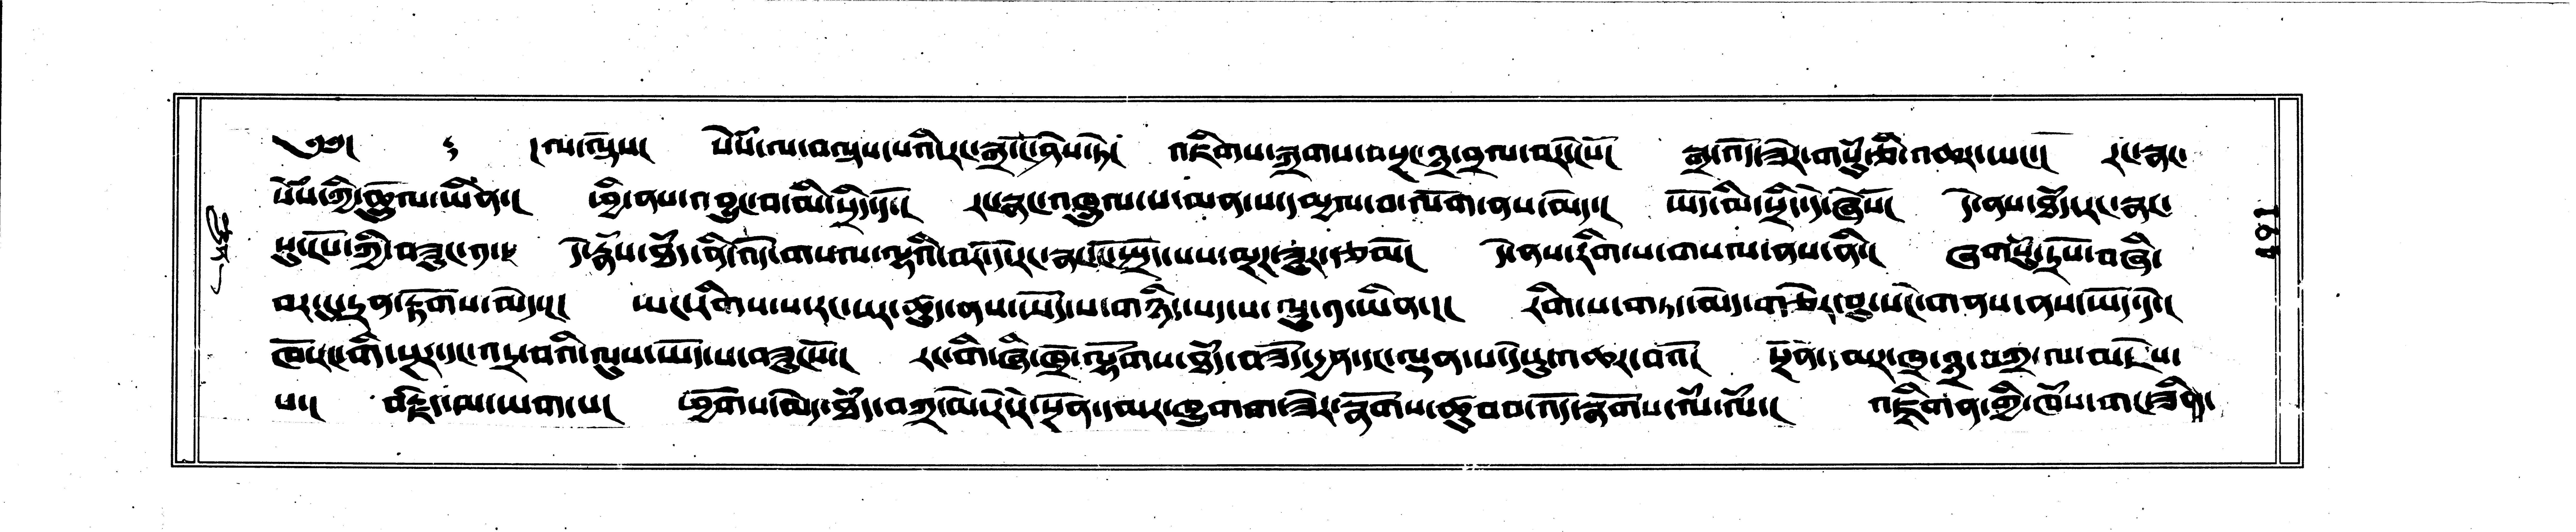ཤིག སེམས་ལ་བལྟས་ན་སྟོང་པར་རང་སྒྲ་ཤེས་ཏེ། འཇིགས་སྐྲག་སྔང་གསུམ་དང་བྲལ་ངེས་སོ། སྒྲ་འོད་ཟེར་གསུམ་ཅི་འཆར་ཡང་། རང་སྣང་
སེམས་ཀྱིས་ཆོ་འཕྲུལ་མེན་པ། ཕྱི་ན་འབྱུང་མི་སྲིད་དོ། རང་སྣང་འཁྲུལ་པ་མེན་པས་དམྱལ་བ་བྱ་བ་ལོག་ན་མེད། ཡོད་མི་སྲིད་དེ་མེད་ངེས་སོ། དེ་ནས་ཐམས་ཅད་རང་སྣང་
ངོས་ཀྱིས་ཟུང་ཅིག དེ་རྣམས་ཐམས་ཅད་ནི་འོད་གསལ་ལྷའི་བར་དོར་རང་སྣང་ངོ་སྤྲད་པའི་མེན་ངག་ཟུར་ཙམ་མོ། དེ་ནས་རིག་པ་བརྒྱལ་ནས་ནི། ཞག་གསུམ་དྲོས་བཞིའི་
བར་དུ་དྲན་རྟོག་མེད། ཡང་རིག་པ་རང་སར་ཚུད་ནས་ཡོད་པས། གཉིད་སད་པ་ལྟ་བུ་ཅིག་ཡིན། རིག་པ་གཏེན་༼རྟེན༽མེད་གཅེར་བུར་སང་ངེ་གནས་ནས་ཡོད་སྟེ། 
ཁོ་རང་གིས་སྔར་དང་འདྲ་བའི་ལུས་པོ་ཡོད་པར་བཟུང་བའོ། རང་གིས་ཁྲོ་བོའི་ལྷ་ཚོགས་ཐམས་ཅད་མི་བཟད་རྒྱན་དང་ཆས་པ་དེ་རུ་འཆར་བའོ། སྔོན་དམར་ཁྲ་གསུམ་བཀྲ་ལ་མཛེས་
པ། བརྗིད་ལ་ཡག་པ། ཕྱོགས་མེད་ཐམས་ཅད་ཁྲ་མེར་རེ་རེ། སྔོན་དམར་ཁྱུག་ཁྱུག་ཟེར་སྣ་ཚོགས་ཚུབ་ཚུབ། འོད་སྣ་ཚོགས་ལམ་ལམ་འཇིག་རྟེན་གྱིས་ཁམས་གང་ཟིན་